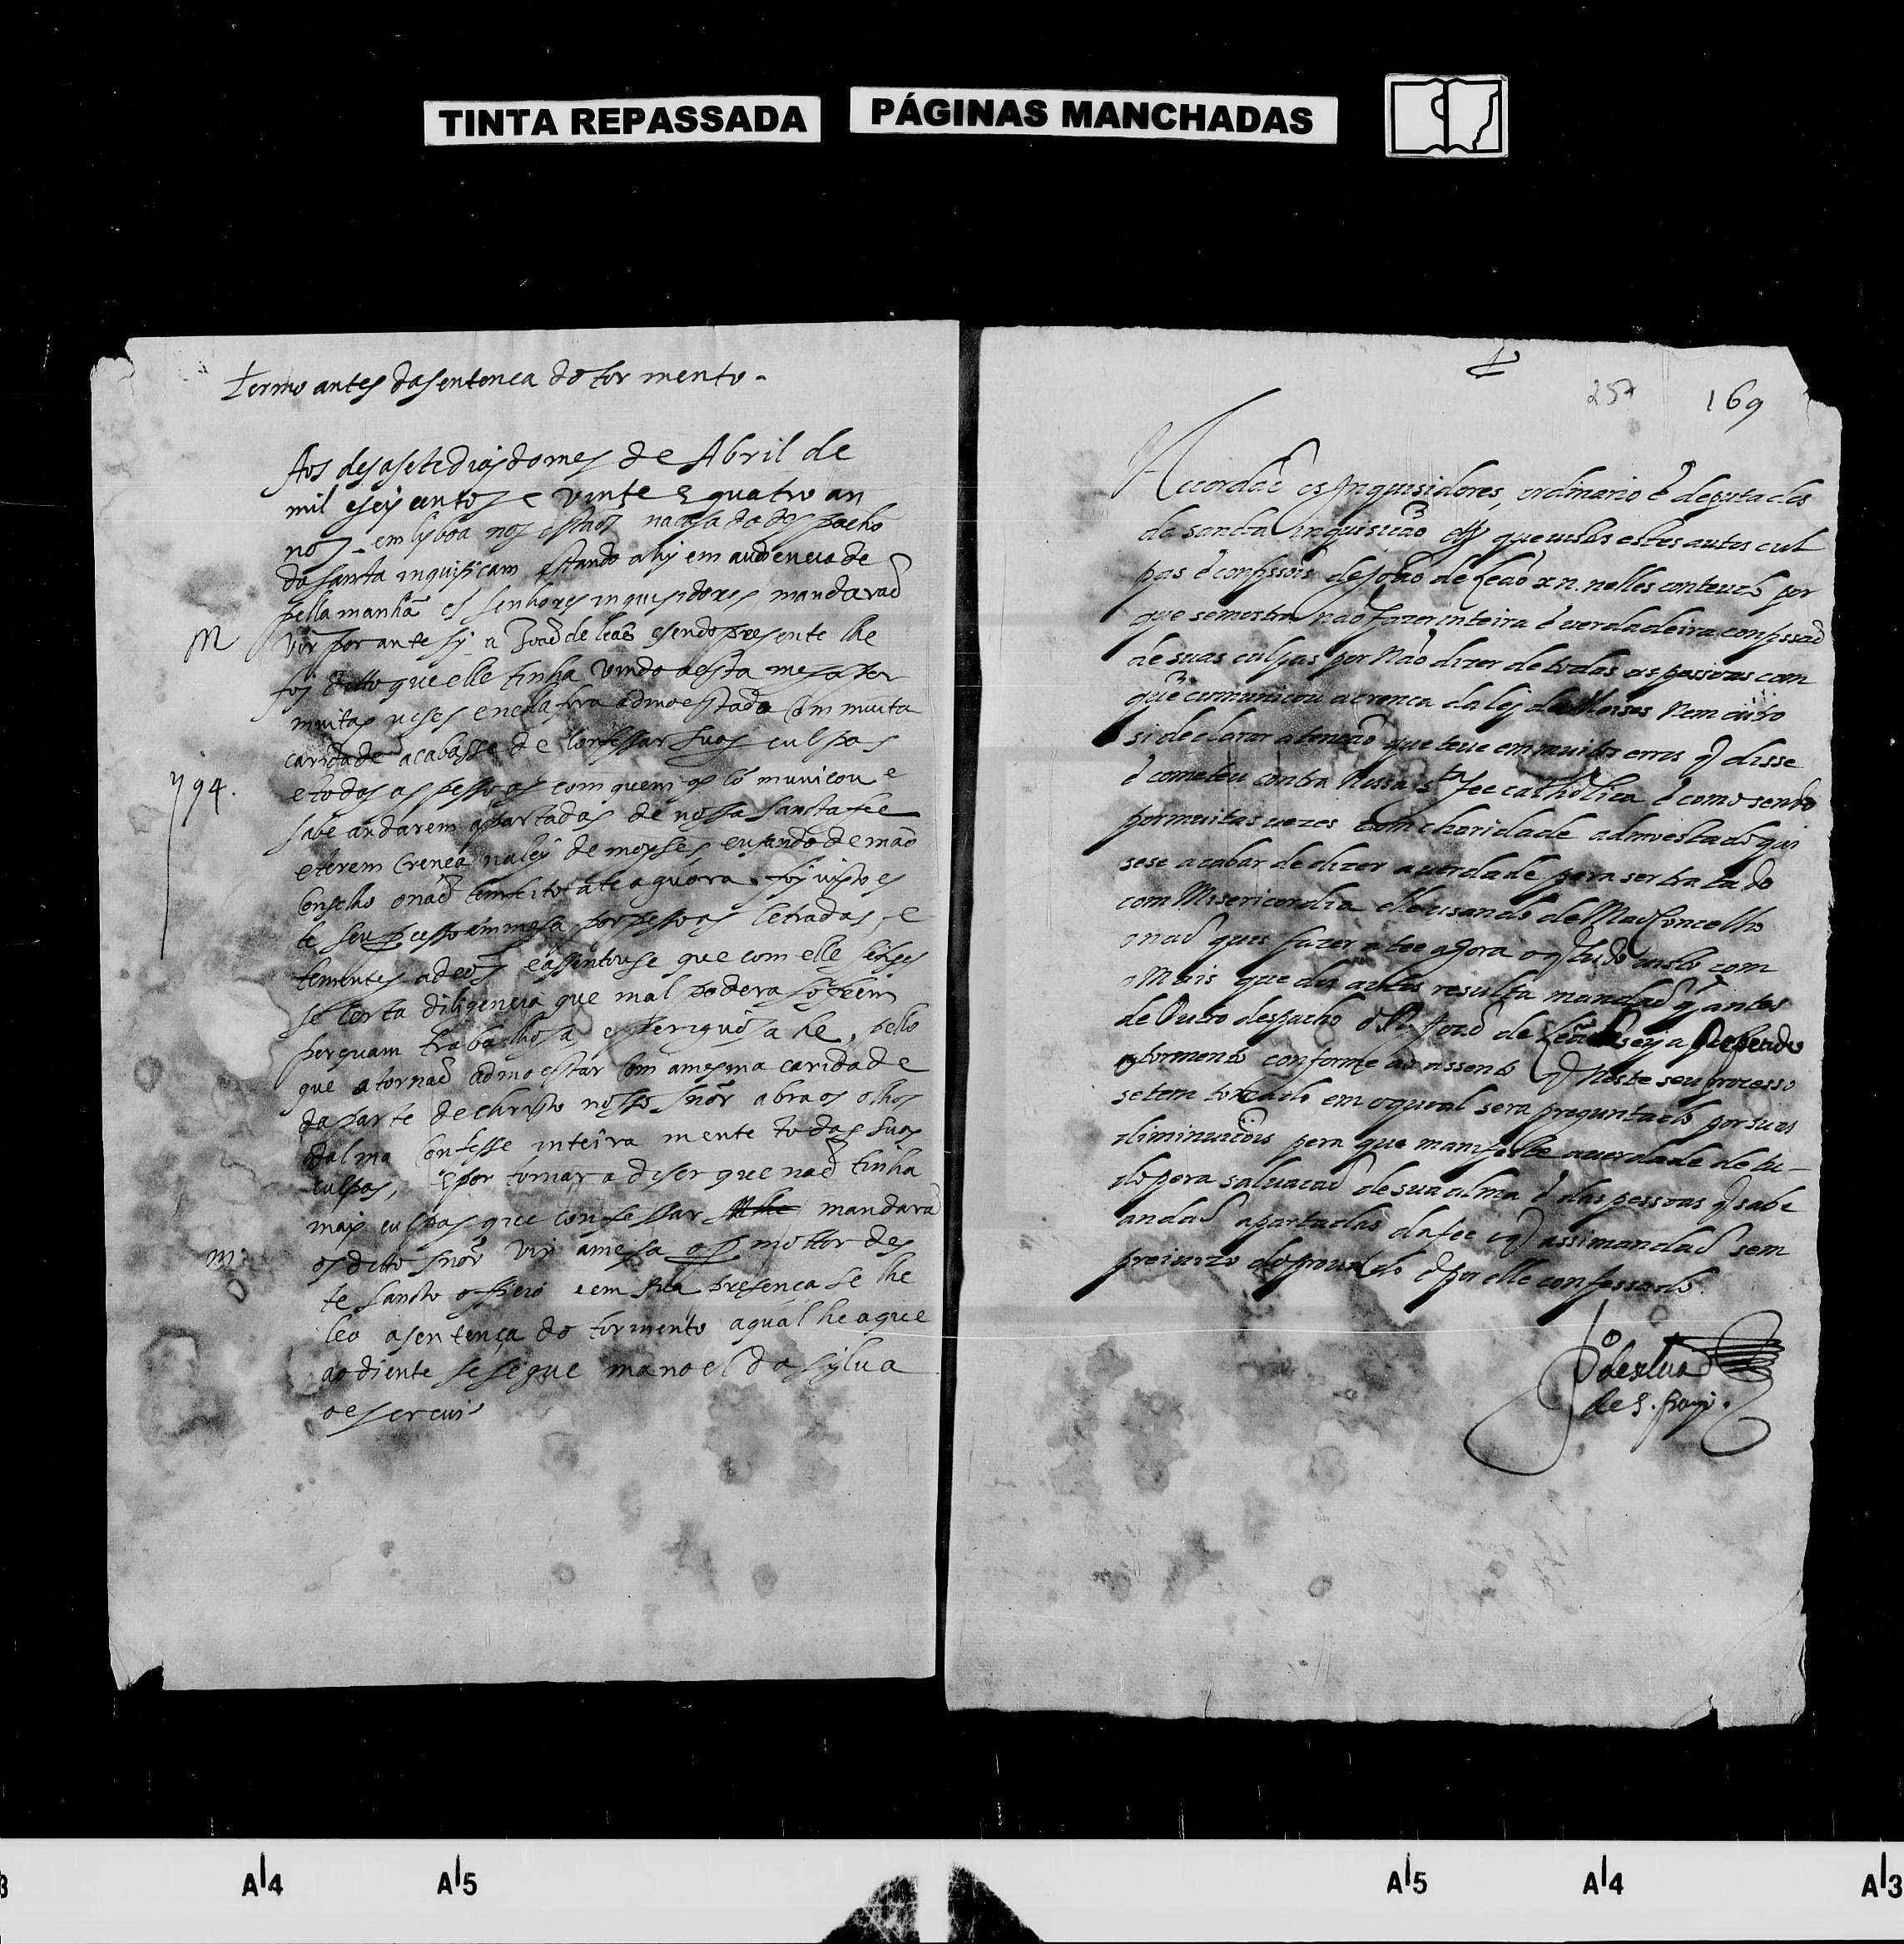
Termo antes da sentença do tormento.
Aos desasete dias do mes de Abril de
mil e seiscentos e vinte E quatro an
nos em lisboa nos estaos na casa do despacho
da santa inquisiçam estando ahy em audiencia de
pella manhã os senhores inquisidores mandaraõ
vir porante sy a Ioaõ de leaõ e sendo presente lhe
foj ditto que elle tinha vindo a esta mesa por
muitas ueses e nella fora admoestado com muita
caridade acabasse de confessar suas culpas
e todas as pessoas com quem as cōmunicou e
94.
sabe andarem apartadas de nossa sancta fee
e terem crença na ley de moyses, e usando de māo
Conselho o naõ tem feito ate aguora foy uisto es
te seu ꝓcesso em mesa por pessoas letradas, e
tementes a deos e assentouse que com elle se fises
se certa diligencia que mal podera sofrem
por quam trabalhosa e periguoza he, pello
que a tornaõ admoestar com a mesma caridade
da parte de christo nosso Snor̄ abra os olhos
dalma Confesse inteiramente todas suas
culpas, E por tornar a diser que naõ tinha
mais culpas que confessar _lhe mandara
os ditto snor̄ vir a mesa o ꝓmottor des
te sancto officio e em sua presença se lhe
leo a sentença do tormento a qual he a que
ao diante se segue manoel da sylua
o escreui.
169
Accordaõ os Jnquisidores, ordinario e deputados
da sancta inquisição ettꝭ que uistos estes autos cul
pas e confissoĩs de João de Leaõ xn. nelles conteudo por
que se mostra naõ fazer inteira e uerdadeira confissaõ
de suas culpas por naõ dizer de todas as pessoas com
quē comunicou a crença da lej de Moises nem outro
si declarar a tençaõ que teue em muitos erros q̄ disse
e cometeu contra nossa sta fee catholica e como sendo
por muitas uezes com charidade admoestado qui
sese acabar de dizer a uerdade para ser tratado
com Misericordia ele usando de Mao Concelho
o naõ quer fazer atee agora o q̄ tudo uisto com
o mais que dos autos resulta mandaõ q̄ antes
de Outro despacho o R. Joaõ de Leã_ seija presentado
a tormento conforme ao assento q̄ neste seu processo
se tem tomado em o qual sera preguntado por suas
diminuiçõis pera que manifeste a uerdade de tu
do pera saluaçaõ de sua alma e das pessoas q̄ sabe
andaõ apartadas da fee e q̄ assi mandaõ sem
preiuizo de prouado e por elle confessado.
Po de silua
de s. payo.
